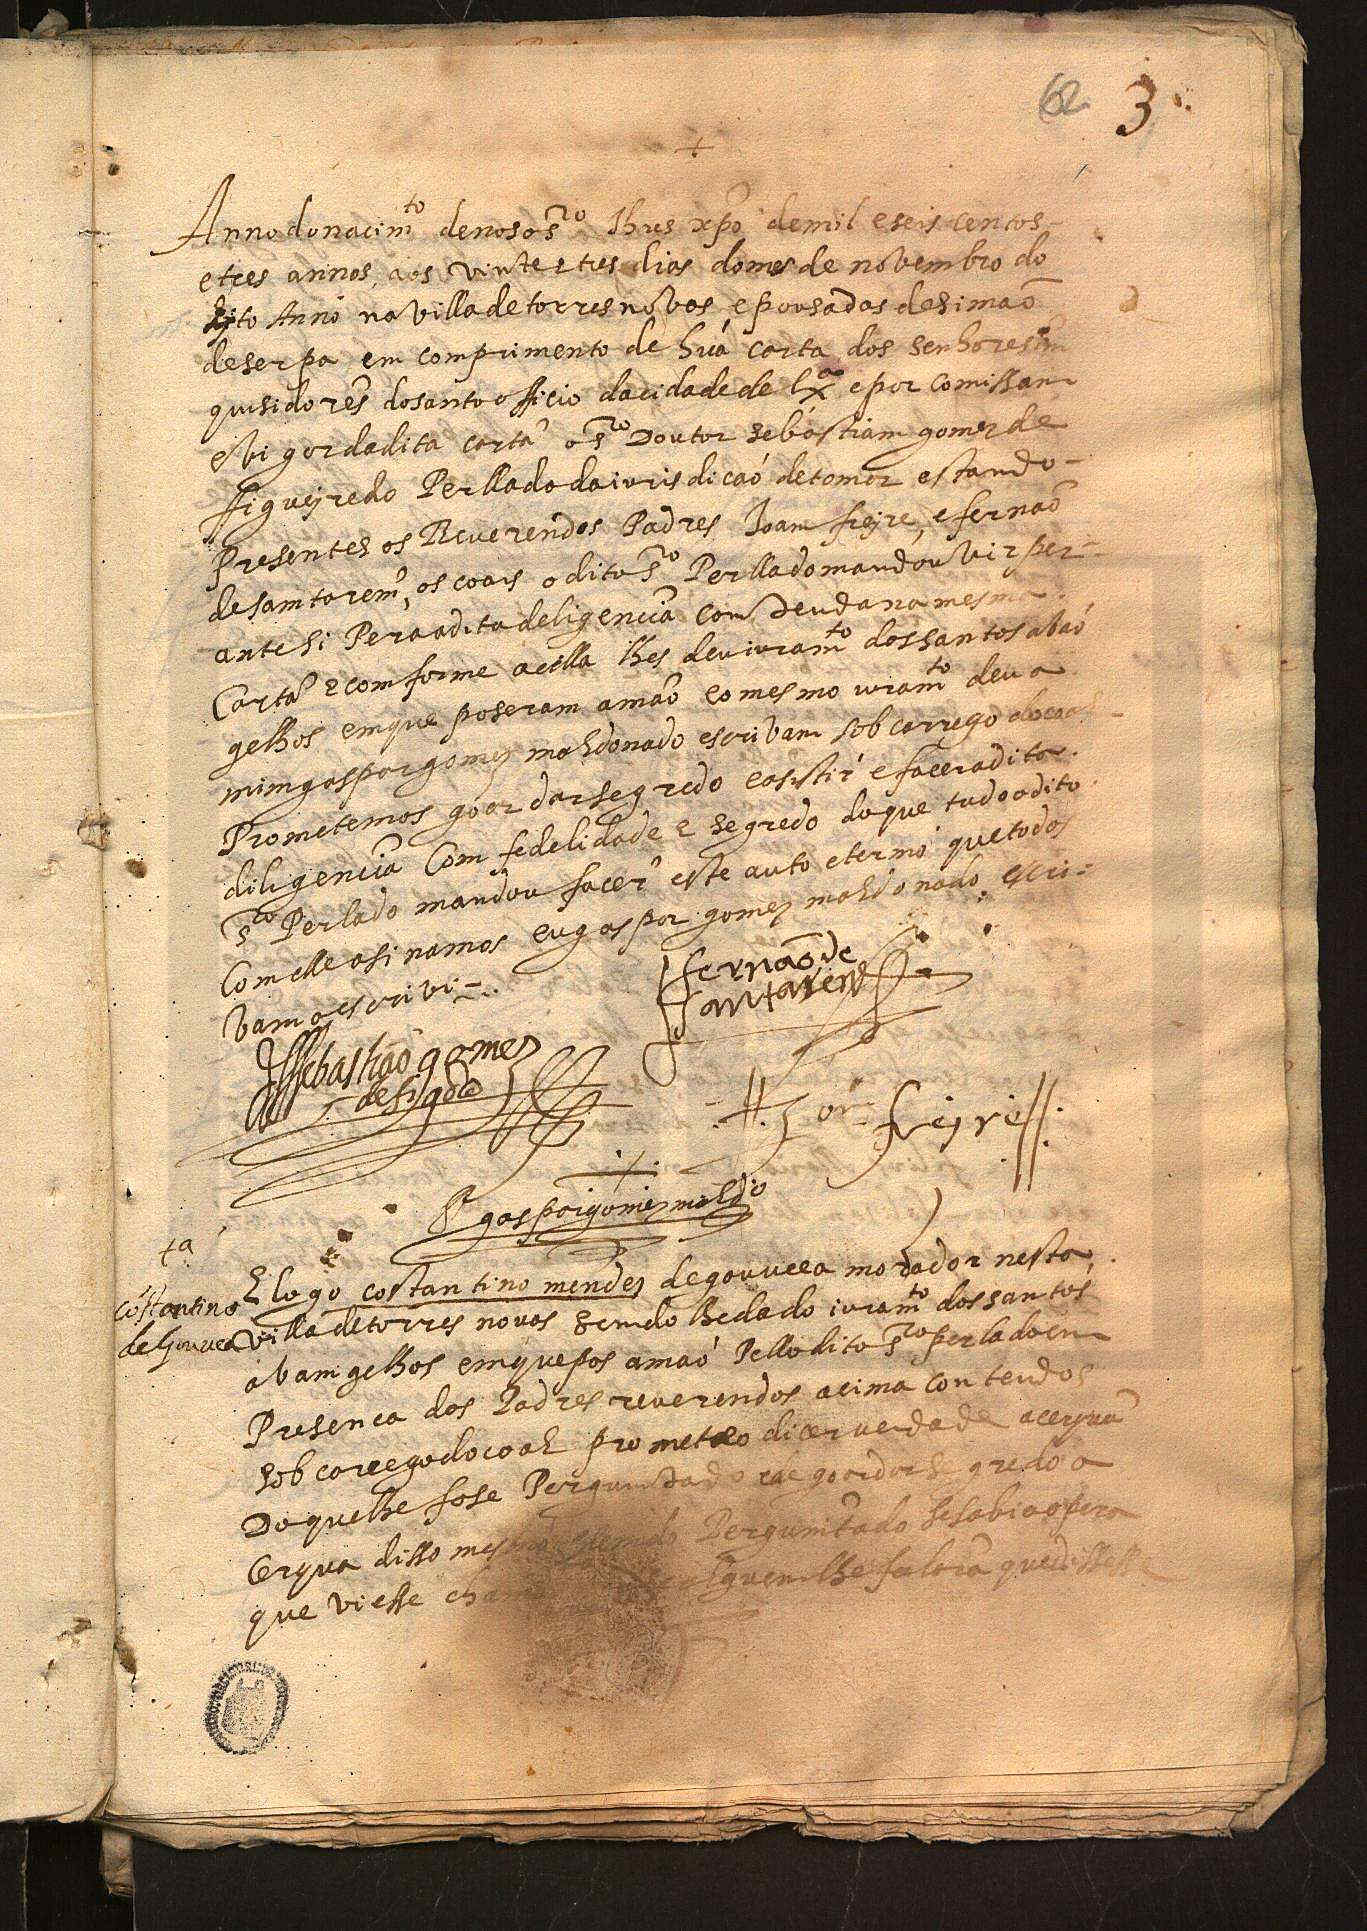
Anno do nacimto de noso sro Ihus xpō de mil e seiscentos
e tres annos, aos vinte e tres dias do mes de novembro do
dito Anno na villa de torres novas e pousadas de simaõ
de serpa em comprimento de huā carta dos senhores Em
quisidores do santo officio da cidade de lxa e por comissam
e vigor da dita carta o sro Doutor sebastiam gomez de
figuejredo Perllado da iurisdiçaõ de tomar estando
presentes os Reuerendos Padres Ioam freire, e fernaõ
de samtarem, os coais o dito sro Perllado mandou vir per
ante si Pera a dita deligencia conteuda na mesma
Carta E comforme a eella lhes deu iuramto dos santos avaõ
gelhos em que poseram a maõ e o mesmo iuramto deu a
mim gaspar gomez maldonado escrivam sob carrego do coal
Prometemos goardar segredo e asistir e facer a dita
diligencia Com fedelidade E segredo do que tudo o dito
sro Perlado mandou facer este auto e termo que todos
Com elle asinamos eu gaspar gomez maldonado escri
vam o escrivi -.
fernão de
santarem
sebastião gomez
de figdo
Jor frejre //.
gaspar gomez maldo
ta
cōstantino
E logo costantino mendes de gouuea morador nesta
de Gouuea
villa de torres nouas semdo lhe dado iuramto dos santos
avamgelhos em que pos a maõ pello dito sro perlado em
Presença dos Padres reuerendos acima conteudos
sob carrego do coal prometeo dizer uerdade acerqua
Do que lhe fose Perguntado e de goardar segredo a
cerqua disso mesmo e sendo Pergumtado se sabia o pera
que viesse cham
alguem lhe falara que dissesse
